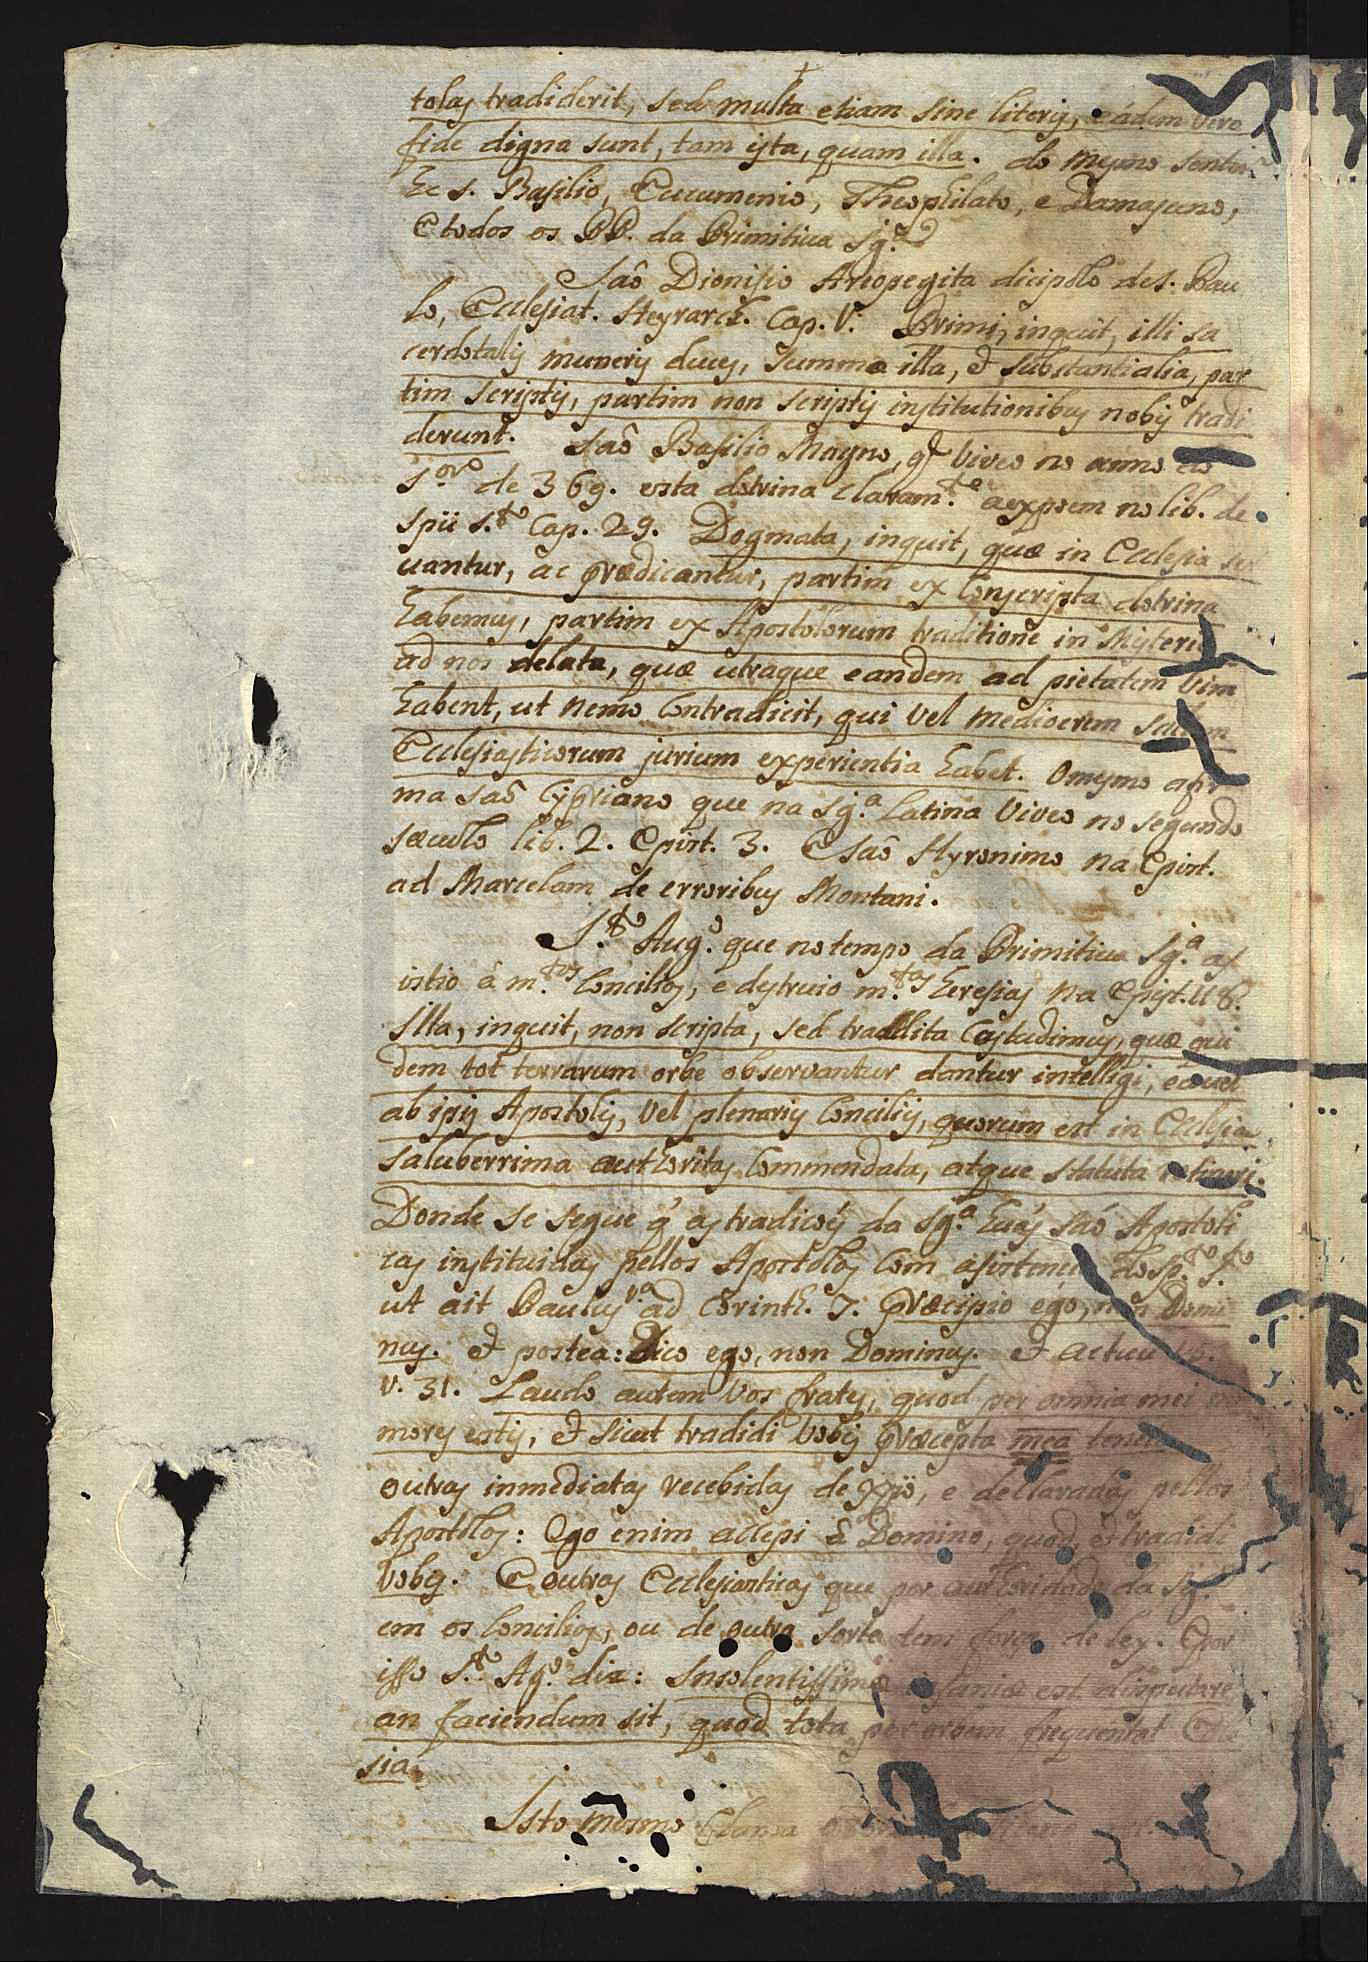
tolas tradiderit, sed multa etiam sine literis, e adem vero
fide digna sunt, tam ista, quam illa. do mesmo sentir
he s. Basilio, Eccumenio, Theoplilato, e Damasceno,
e todos os PP. da Primitiua Ig.a
São Dionisio Areopegita dicipolo de S. Pau
lo, Ecclesiat. Heyrarch. Cap. V: Primi, inquit, illi sa
cerdotalis muneris deues, summa illa, et substantialia, par
tim scriptis, partim non scriptis institutionibus nobis tradi
derunt. Saõ Basilio Magno, q̄ viveo no anno
s.or de 369. esta dotrina claram.to a expoem no lib. de
spii s.to Cap. 29. Dogmata, inquit, quæ in Ecclesia ser
uantur, ac prædicantur, partim ex conscripta dotrina
habemus, partim ex Apostolorum traditione in Misteri_
ad nos delata, quæ utraque eandem ad pietatem vim
habent, ut nemo contradicit, qui vel mediocrem sal_m
Ecclesiasticorum jurium experientia habet. O mesmo afir
ma saõ Cypriano que na Ig.ra Latina viveo no segundo
sæculo lib. 2. epist. 3. E saõ Hyronimo na Epist.
ad Marcelam de erroribus Montani.
S.to Aug.o que no tempo da Primitiua Ig.a as
istio á m.tos Concilios, e destruio m.tas heresias na epist. 118.
Illa, inquit, non scripta, sed traddita Custudimus, quæ qui
dem tot terrarum orbe observantur dantur intelligi, ea uel
ab ipsis Apostolis, vel plenaries Concilies, quorum est in Ecclesia
saluberrima authoritas Commendata, atque statuta retineri.
Donde se segue q̄ as tradicoẽs da Ig.a huās saõ Apostoli
cas instituidas pellos Apostolos com asistença do sp.to S.to
ut ait Paulus ad Corinth. 7. præcipio ego, __ Domi
nus. et postea: Dico ego, non Dominus. et act__5
V. 31. Laudo autem vos frates, quod per omnia mei
mores estis, et sicut tradidi vobis procepta mea tene
outras inmediatas recebidas de xpō, e declaradas pellos
Apostolos: ego enim accepi e Domino, quod, et tradidi
vobis. E outras Ecclesiasticas que por authoridade da Ig.
em os Concilios, ou de outra sorte tem força de Ley. E por
isso s.to Ag.o diz: Insolentissimæ _saniæ est disputare
an faciendum sit, quod tota per orbem frequentat Ecle
sia
Isto mesmo Chama
